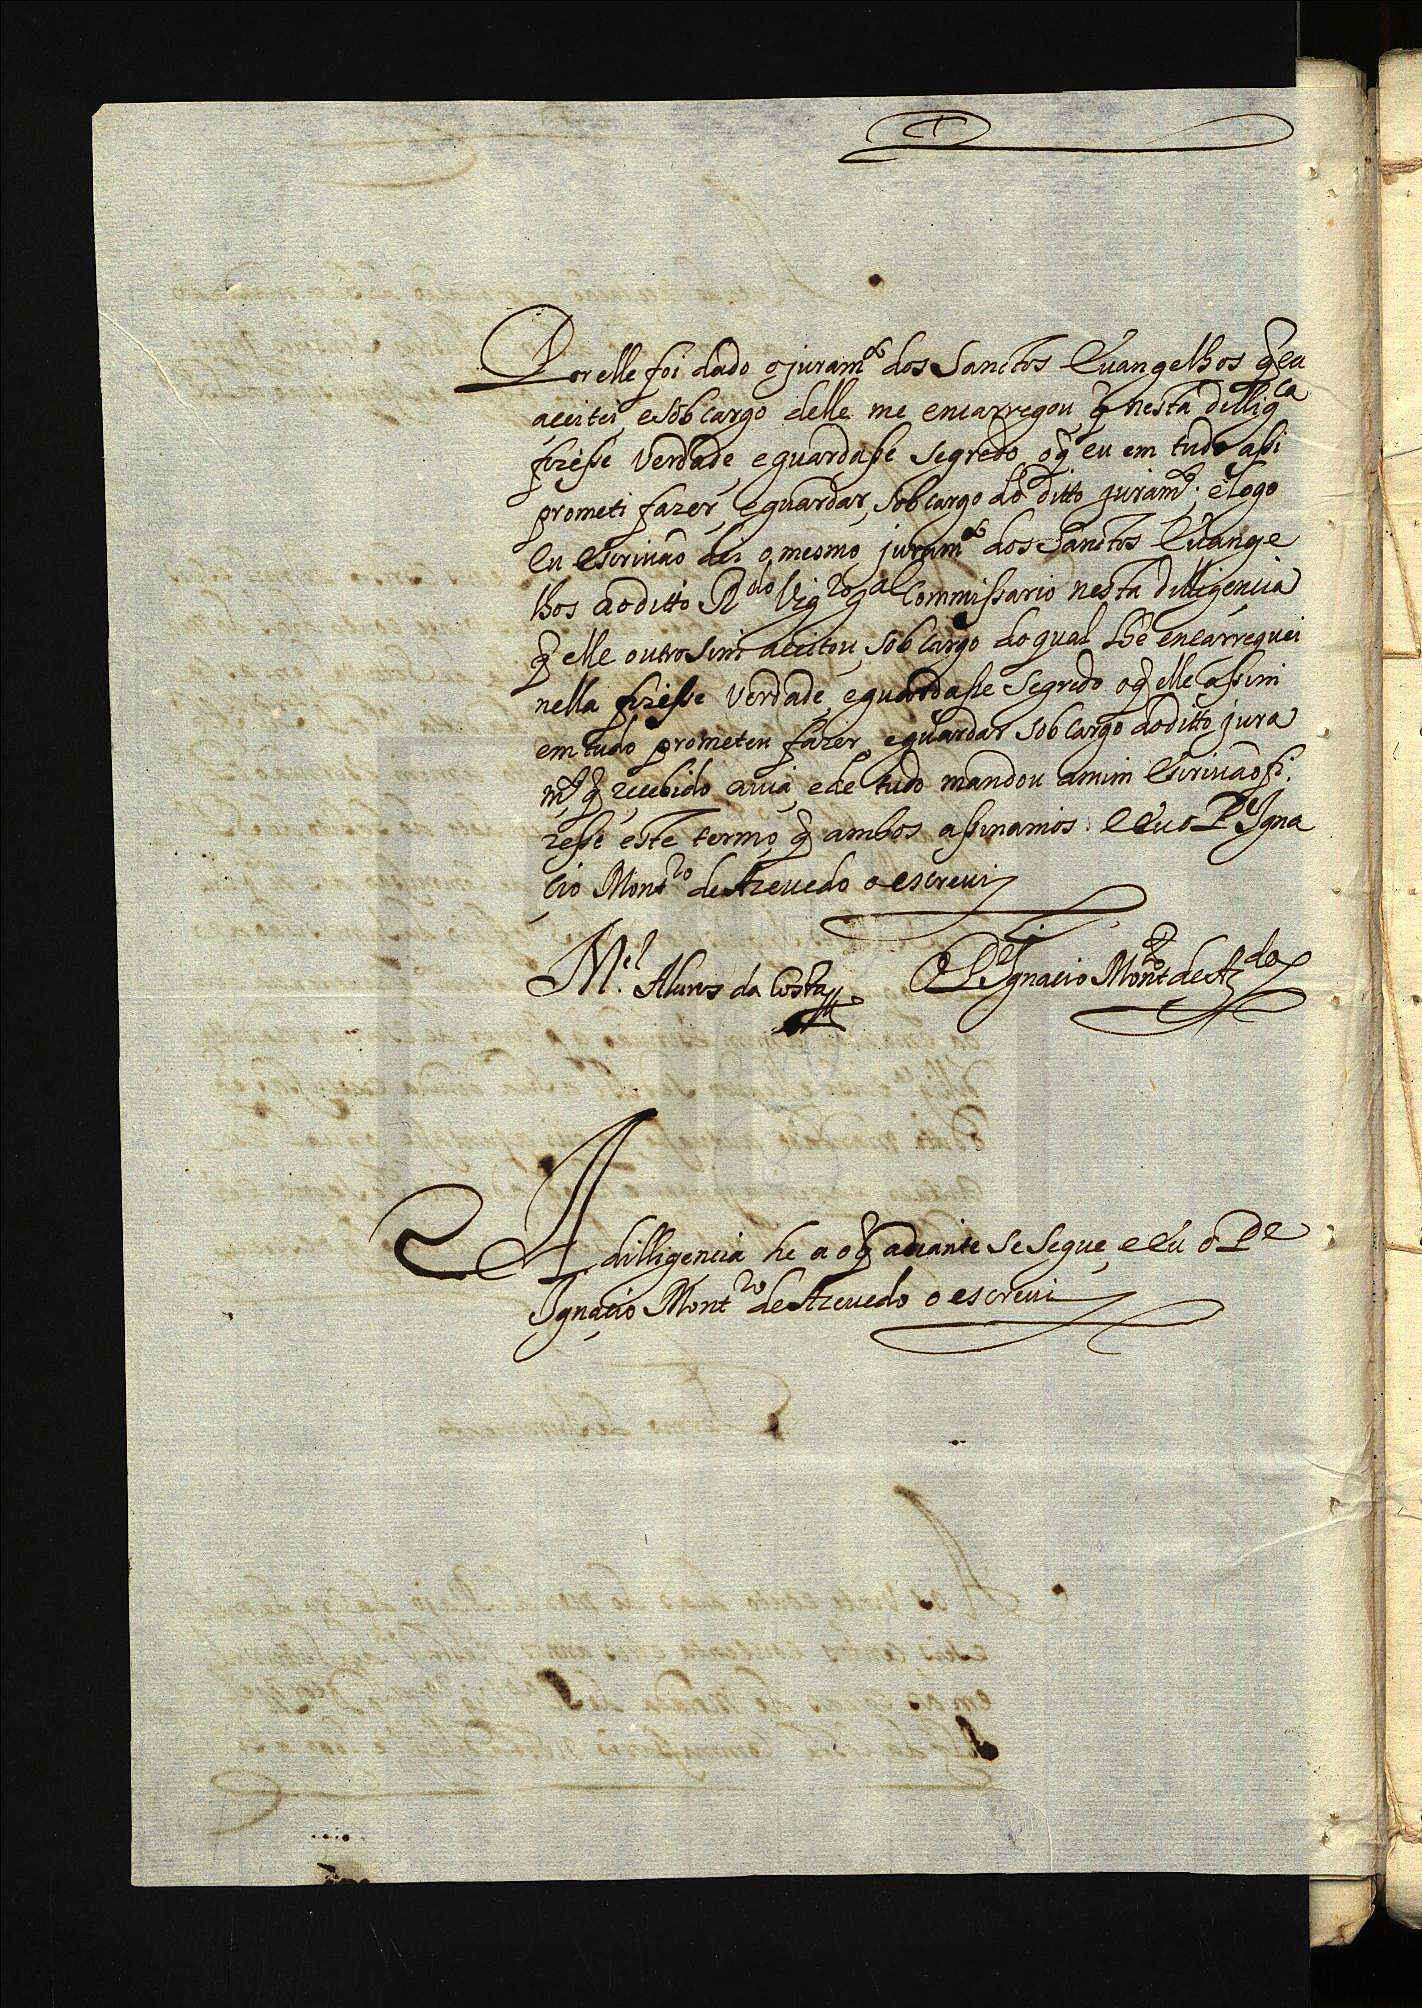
Por elle foi dado o juramto dos Sanctos Euangelhos q̄ eu
aceitei, e sob cargo delle me encarregou, q̄ nesta delligca
fizesse verdade, e guardasse segredo o q̄ eu em tudo assi
prometi fazer, e guardar, sob cargo do ditto juramto; e logo
eu escriuaõ dei o mesmo juramto dos Sanctos Euange
lhos ao ditto Rdo Vigro gal commissario nesta dilligencia
q̄ elle outrosim aceitou, sob cargo do qual lhe encarreguei
nella fizesse verdade, e guardasse Segredo o q̄ elle assim
em tudo prometeu fazer e guardar sob cargo do ditto jura
mto, q̄ recebido auia, e de tudo mandou a mim escriuaõ fi
zesse este termo, q̄ ambos assinamos. e eu o Pe Igna
cio Montro de Azeuedo o escreui
M.el Alures da Costa
O Pe Ignacio Montro de Azdo
A dilligencia he a o q̄ adiante se segue, e eu o Pe
Ignacio Montro de Azeuedo o escreui
